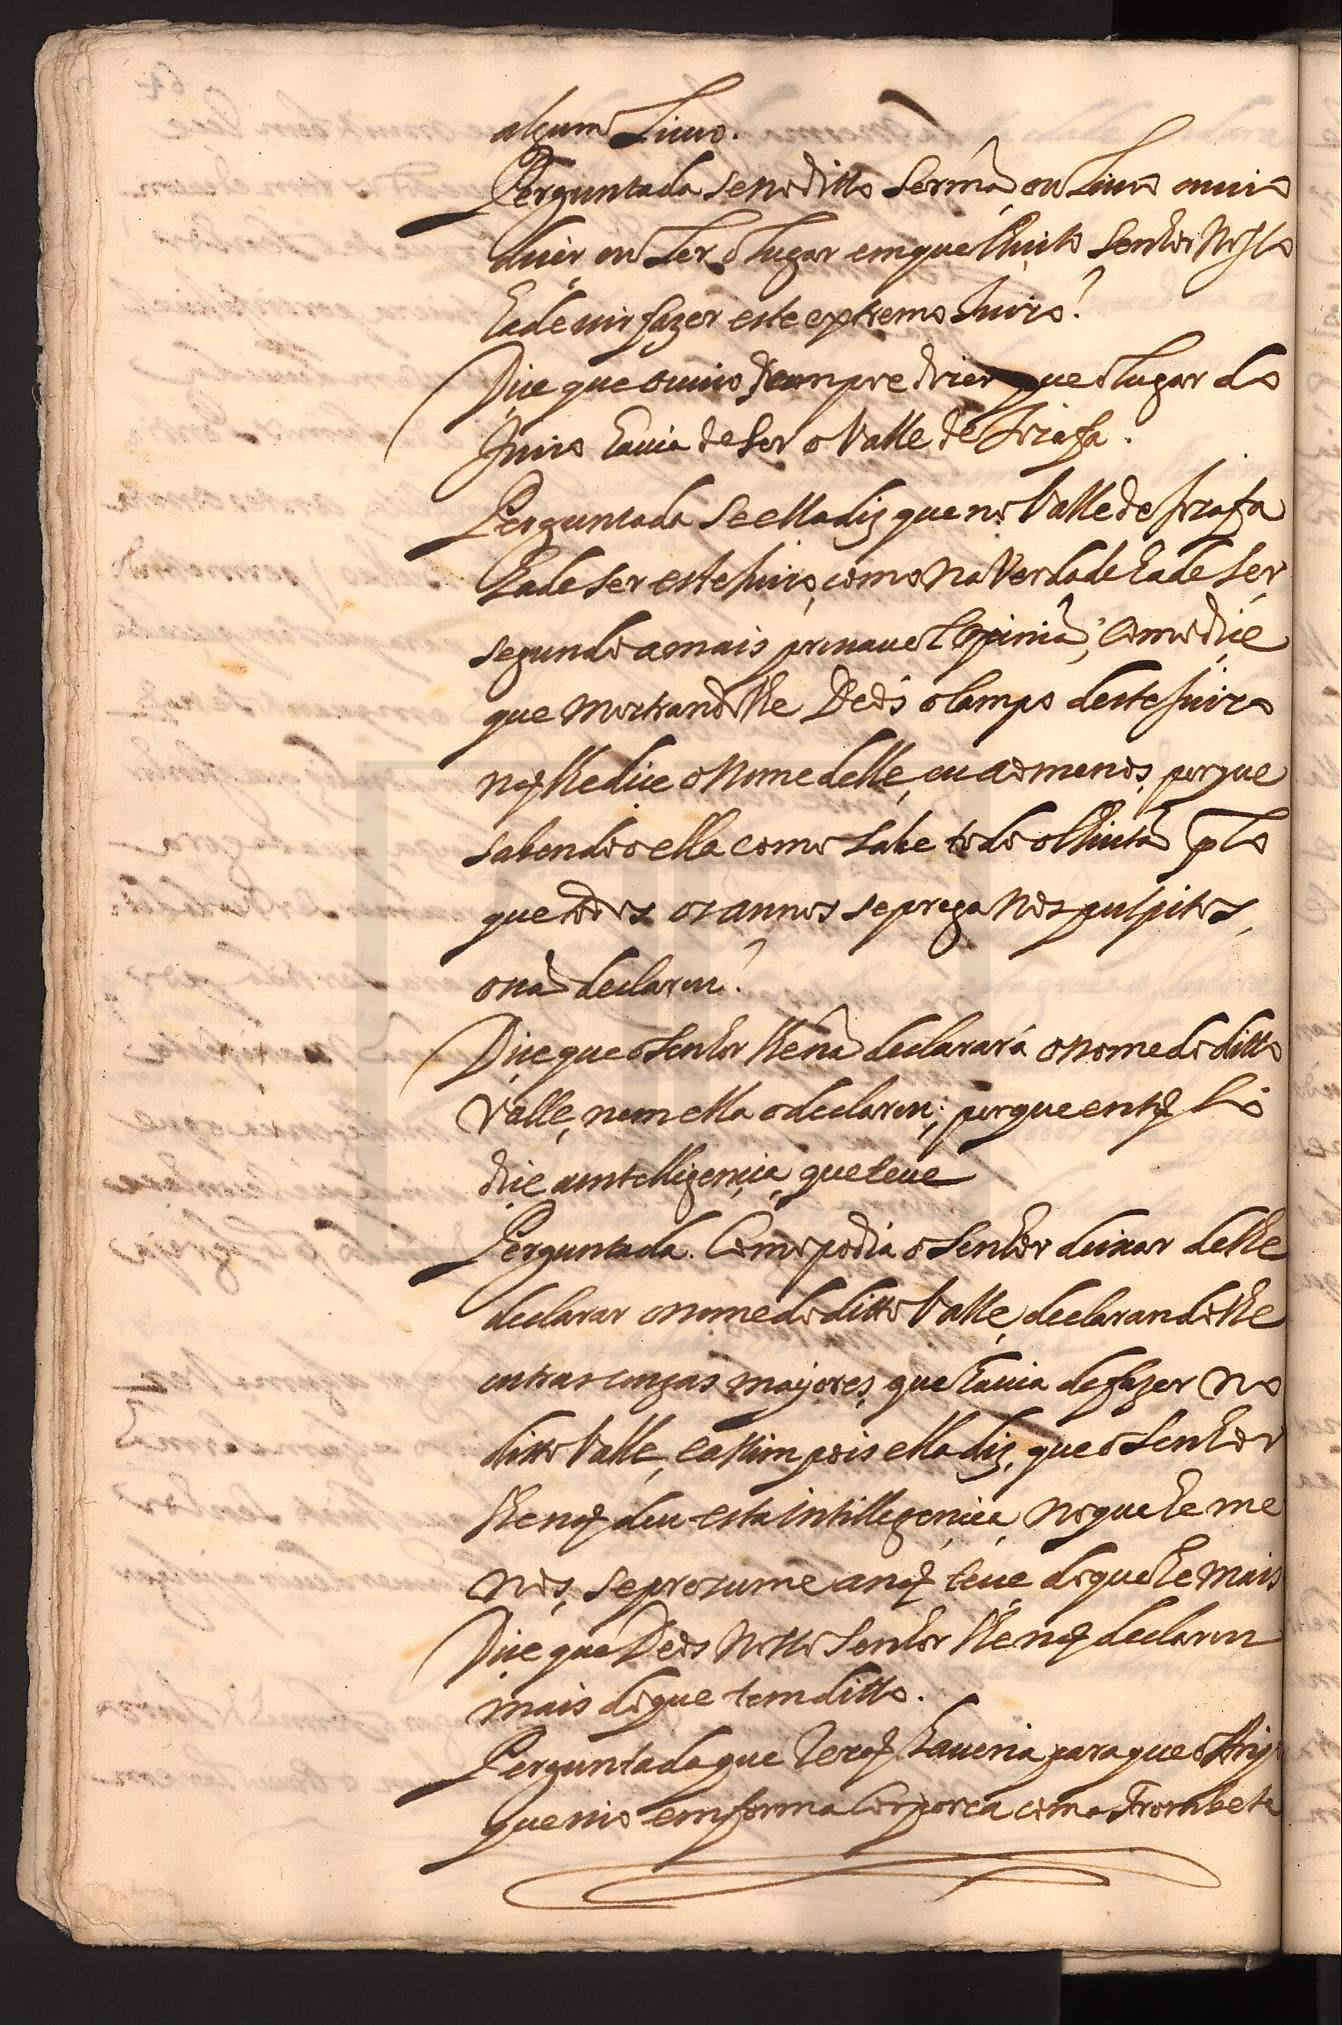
algum Liuro.
Perguntada se no ditto Sermaõ, ou Liuro ouuio
dizer, ou Ler o lugar em que Christo Senhor Nosso
ha de uir fazer este extremo Iuizo?
Dice que ouuio sempre dizer que o lugar do
Juizo hauia de ser a Valle de Iozafa.
Perguntada se ella diz que no Valle de Jozafa
ha de ser este Juizo, como na verdade ha de ser
segundo a mais prouauel opiniaõ; como dice
que mostrandolhe Deos o Campo deste Juizo
naõ lhe dice o nome delle, ou ao menos, porque
sabendoo ella como sabe todo o Christaõ p̄lo
que todos os annos se prega nos pulpitos,
o naõ declarou?
Dice que o Senhor lhe naõ declarara o nome do ditto
Valle, nem ella o declarou; porque entaõ só
dice a intelligencia, que teue
Perguntada Como podia o Senhor deixar de lhe
declarar o nome do ditto Vale, declarandolhe
outras couzas mayores, que hauia de fazer no
ditto Valle, e assim pois ella diz, que o Senhor
lhe naõ deu esta intelligencia, no que he me
nos, se prezume a naõ teue, do que he mais
Dice que Deos nosso Senhor lhe não declarou
mais do que tem ditto.
Perguntada que Rezaõ haueria para que o Anj
que uio em forma Corporea com a Trombeta
